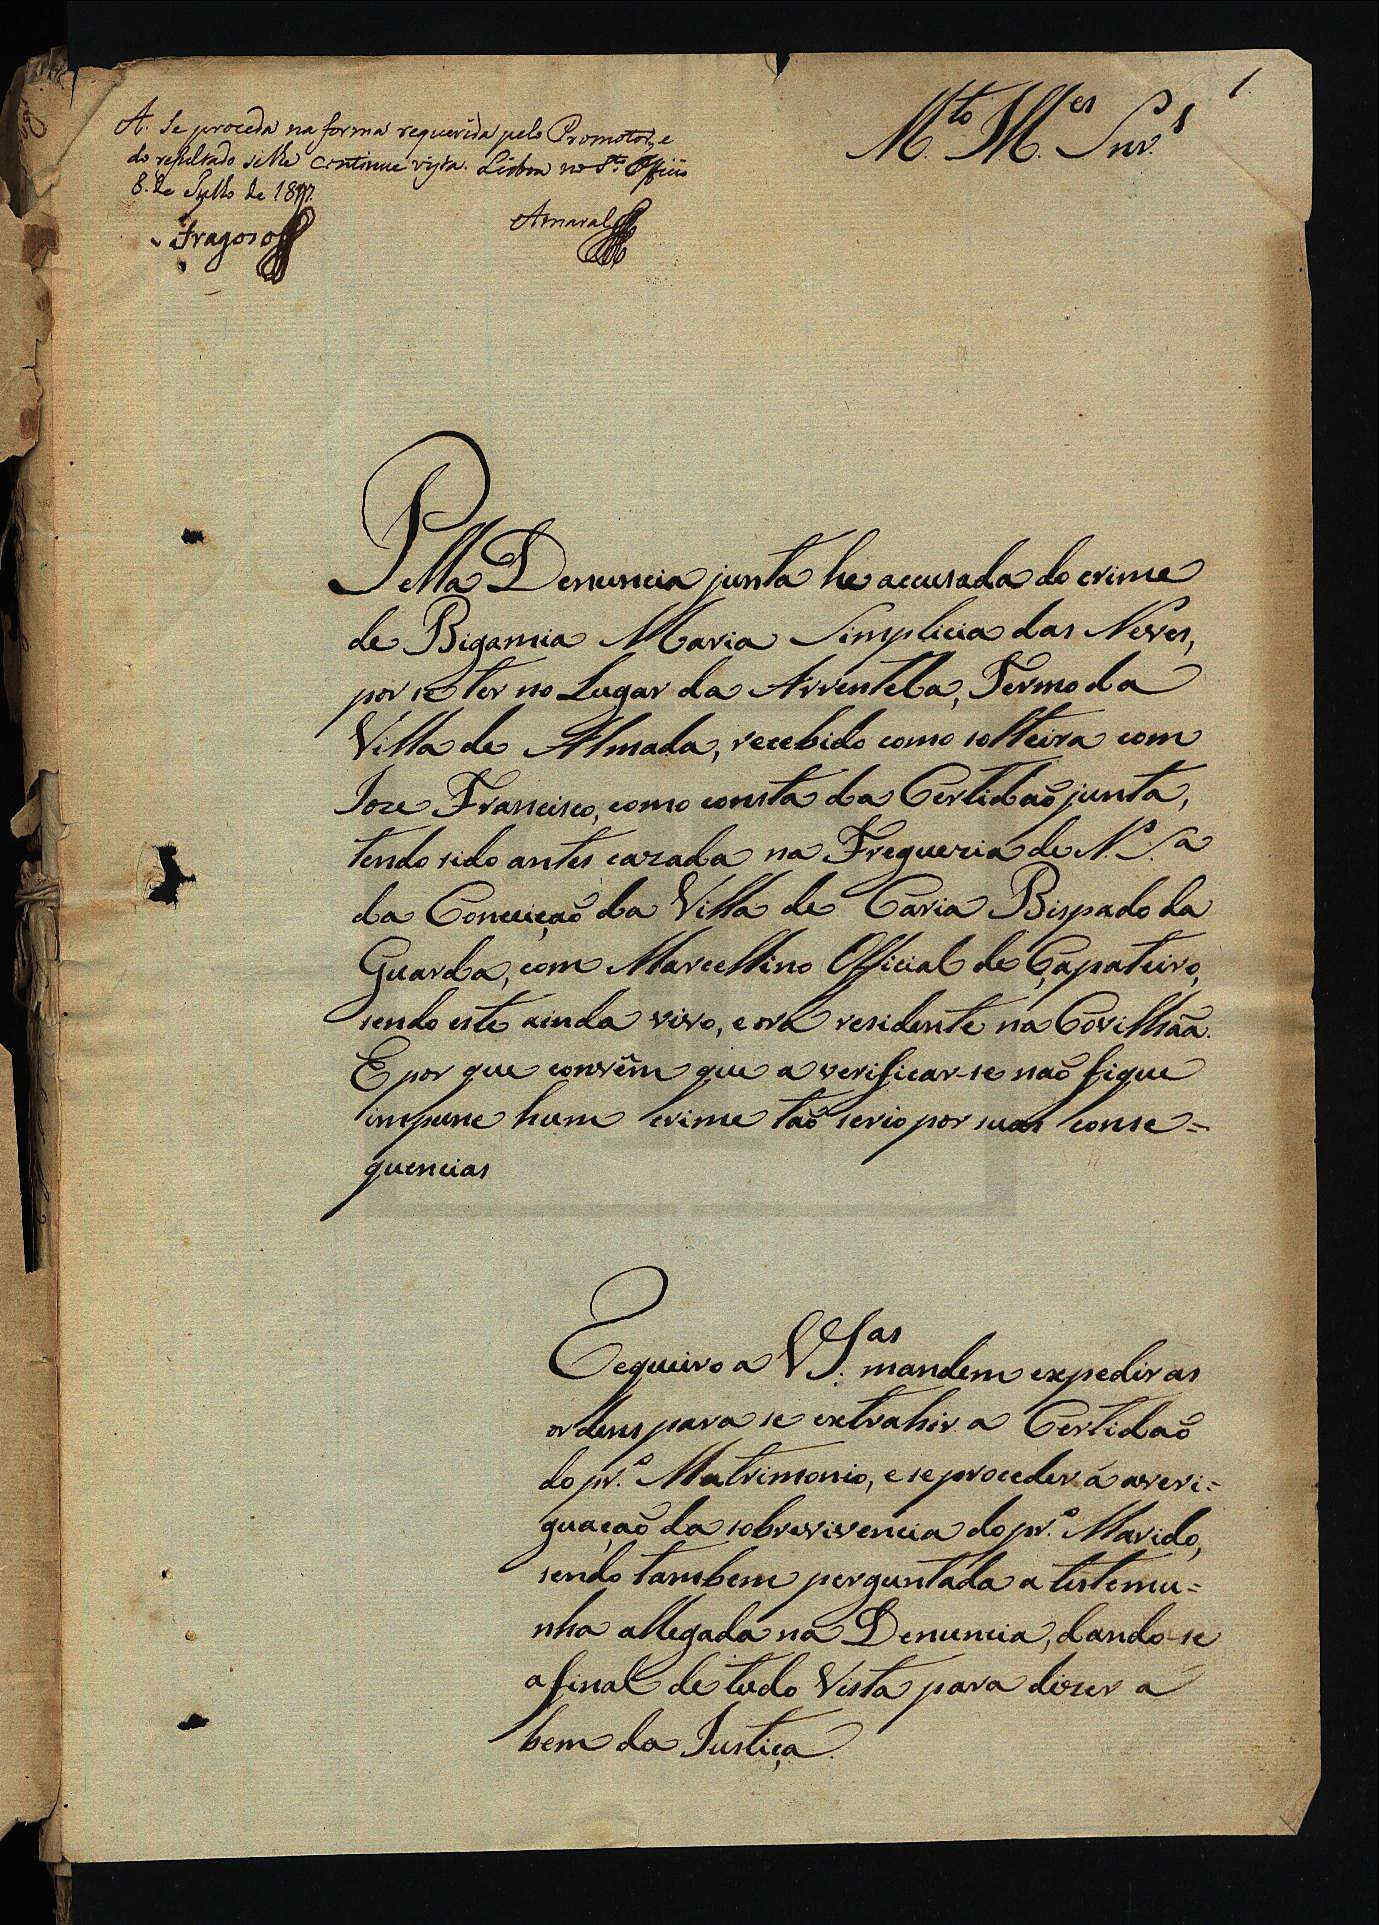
Pella Denuncia junta he accusada do crime
de Bigamia Maria Simplicia das Neves,
por se ter no Lugar da Arrentela, Termo da
Villa de Almada, recebido como solteira com
Ioze Francisco, como consta da Certidaõ junta,
tendo sido antes cazada na Freguezia de N. S.a
da Conceição da Villa de Caria Bispado da
Guarda, com Marcellino Official de Çapateiro,
sendo este ainda vivo, e ora residente na Covilhaã.
E por que convêm que a verificar-se naõ fique
impune hum crime taõ serio por suas conse
quencias
Requeiro a V S.as mandem expedir as
ordens para se extrahir a Certidaõ
do pr.o Matrimonio, e se proceder á averi
guaçaõ da sobrevivência do pr.o Marido,
sendo tambem perguntada a testemu
nha allegada na Denuncia, dando-se
afinal de tudo Vista para dizer a
bem da Iustiça.
